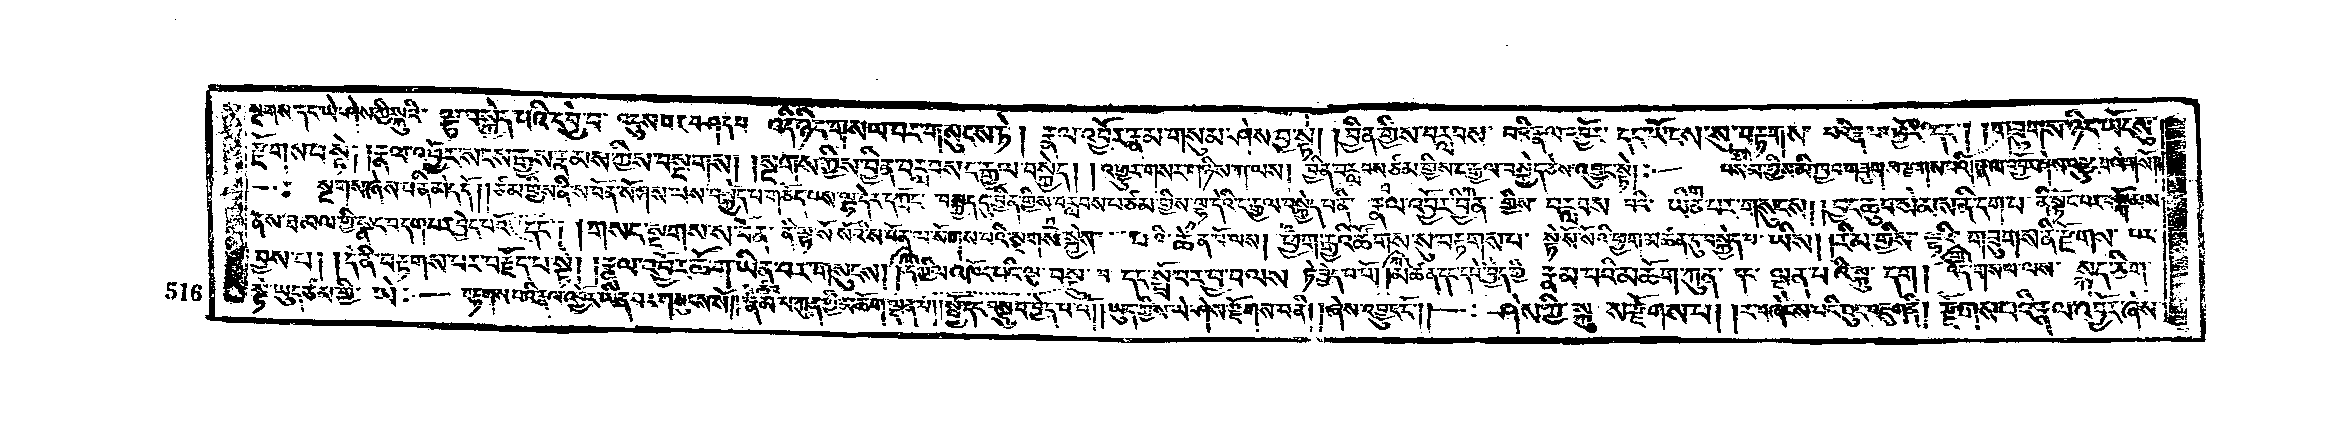སྔགས་དང་ཡེ་ཤེས་ཀྱི་སྐུའི་ལྟ་བསྐྱེད་པའི་དབྱེ་བ་འདུས་པར་བཤད་པ་འདི་ཉིད་གསལ་བར་གསུངས་ཏེ། རྣལ་འབྱོར་རྣམ་གསུམ་ཤེས་བྱ་སྟེ། །བྱིན་གྱིས་བརླབས་པའི་རྣལ་འབྱོར་དང་ཡོངས་སུ་བརྟགས་པའི་རྣལ་འབྱོར་དང་། །གཟུགས་ཉིད་ཡོངས་སུ་
རྫོགས་པ་སྟེ། །རྣལ་འབྱོར་སངས་རྒྱས་རྣམས་ཀྱིས་བསྔགས། །སྔགས་ཀྱིས་བྱིན་བརླབས་ང་རྒྱལ་བསྐྱེད། །འགྱུར་གསར་གཉིས་ཀ་ལས། བྱིན་བརླབས་ཙམ་གྱིས་ང་རྒྱལ་བསྐྱེད་ཅེས་འབྱུང་སྟེ། བསམ་གྱིས་མི་ཁྱབ་གཟུགས་རྫོགས་པའོ། །རྣལ་འབྱོར་ཞེས་འབྱུང་བ་ལེགས་སོ།།
སྔགས་ཞེས་པ་ནི་མེད་དོ། །ཙམ་གྱིས་ནི་ས་བོན་སོགས་ལས་བསྐྱེད་པ་གཅོད་པས་ལྷ་དེར་དཀྲོང་བསྐྱེད་དུ་བྱིན་གྱིས་བརླབས་པ་ཙམ་གྱིས་ལྷ་དེའི་ང་རྒྱལ་བསྐྱེད་པ་ནི་ཁ྄་རྣལ་འབྱོར་བྱིན་ཀ྄་གྱིས་བརླབས་པའི་ཡིན་ག྄་པར་གསུངས། །བྱང་ཆུབ་སེམས་ནི་དག་པ་ནི་སྟོང་པར་བསྒོམས་
ནས་ཐ་མལ་གྱི་སྣང་བདག་པར་བྱེད་པའོ་དང་། །གསང་སྔགས་ས་བོན་ནི་ལྷ་སོ་སོའི་ས་བོན་ལ་སོགས་པའི་སྔགས་སྐྱེས་པའི་ཆེན་པོ་ལས། ཕྱག་རྒྱའི་ཚོགས་སུ་བརྟགས་པ་སྟེ་སོ་སོའི་ཕྱག་མཚན་དུ་བསྐྱེད་པ་ཡིས། །རིམ་གྱིས་ལྷའི་གཟུགས་ནི་རྫོགས་པར་
བྱས་པ། །དེ་ནི་བརྟགས་པར་བརྗོད་པ་སྟེ། །རྣལ་འབྱོར་ཆོ་ག་ཡིན་པར་གསུངས། །ཁ྄་དཀྱིལ་འཁོར་བའི་ལྷ་བསྡུ་བ་དང་སྤྲོ་བར་བྱ་བ་ལས་ཏེ་བྱེད་པ་པོ། །ཀ྄་མཚན་དང་དཔེ་བྱད་ཀྱི་རྣམ་པའི་མཆོག་ཀུན་དང་ལྡན་པའི་སྐུ་དག །ག྄་འོད་གསལ་ལས་སྐད་ཅིག་
སྟེ་ཡུད་ཙམ་གྱི་ཡེ་བརྟགས་པའི་རྣལ་འབྱོར་ཡིན་པར་གསུངས་སོ། །རྣམ་པ་ཀུན་གྱི་མཆོག་ལྡན་པ། །སྤྲ་དང་བསྡུ་བ་བྱེད་པ་པོ། །ཡུད་ཀྱིས་ཡེ་ཤེས་རྫོགས་པ་ནི། །ཞེས་འབྱུང་ངོ།།  ཤེས་ཀྱི་སྐུས་རྫོགས་པ། །ར་བཞེངས་པའི་ཟུང་འཇུག་ནི། རྫོགས་པའི་རྣལ་འབྱོར་ཞེས་